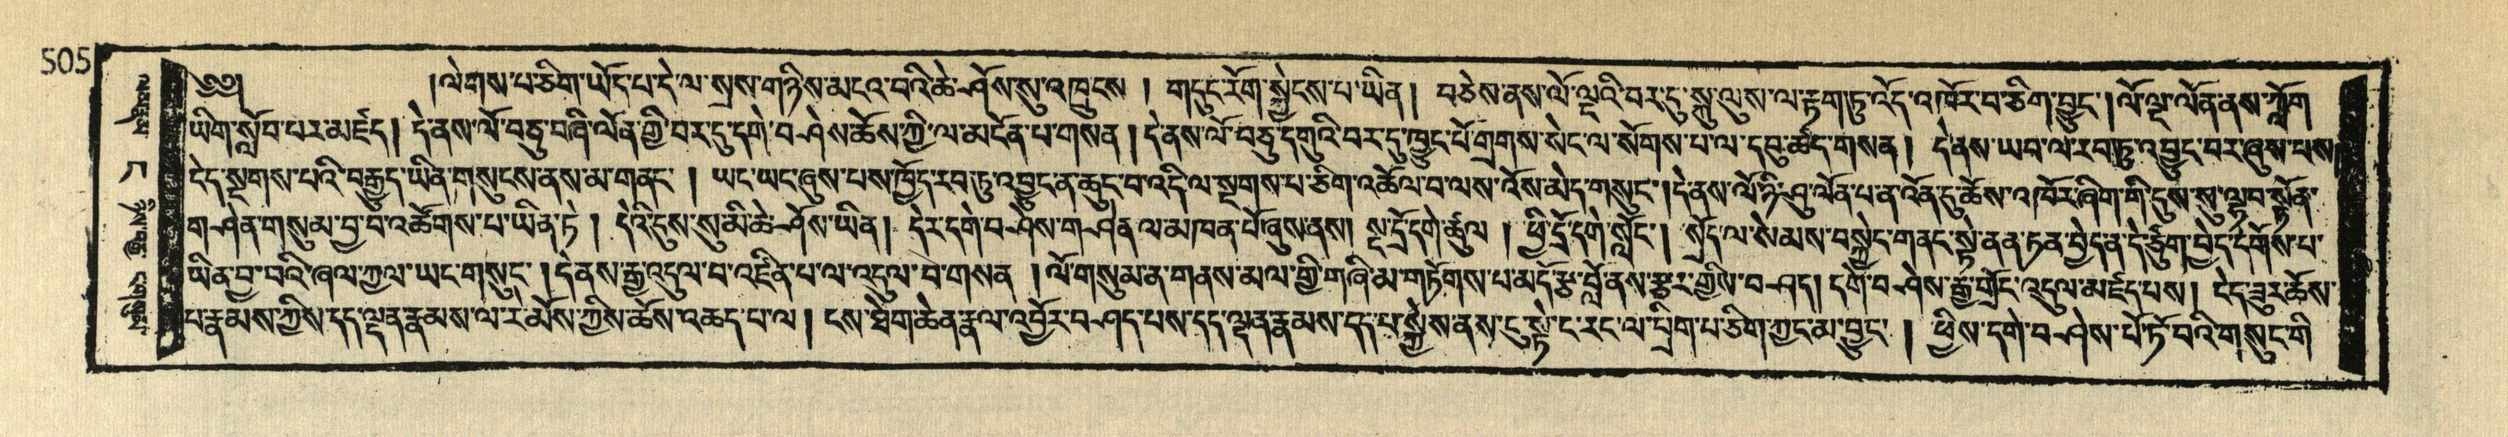༄༅། །ལེགས་པ་ཅིག་ཡོད་པ་དེ་ལ་སྲས་གཉིས་མངའ་བའི་ཆེ་ཤོས་སུ་འཁྲུངས། གདུང་རོག་སྐྱེངས་པ་ཡིན། བཅེས་ནས་ལོ་ལྔའི་བར་དུ་སྐུ་ལུས་ལ་རྟག་ཏུ་འོད་འཁོར་བ་ཅིག་བྱུང་། ལོ་ལྔ་ལོན་ནས་ཀློག་
ཡིག་སློབ་པར་མཛད། དེ་ནས་ལོ་བཅུ་བཞི་ལོན་གྱི་བར་དུ་དགེ་བཤེས་ཆོས་ཀྱི་ལ་མངོན་པར་གསན། དེ་ནས་ལོ་བཅུ་དགུའི་བར་དུ་ཁྱུང་པོ་གྲགས་སེང་ལ་སོགས་པ་ལ་དབུ་ཚད་གསན། དེ་ནས་ཡབ་ལ་རབ་ཏུ་འབྱུང་བར་ཞུས་པས་
ངེད་སྔགས་པའི་བརྒྱུད་ཡིན་གསུངས་ནས་མ་གནང་། ཡང་ཡང་ཞུས་པས་ཁྱོད་རབ་ཏུ་འབྱུང་ན་ཆུང་བ་འདི་ལ་སྔགས་པ་ཅིག་འཚོལ་བ་ལས་འོས་མེད་གསུང་། དེ་ནས་ལོ་ཉི་ཤུ་ལོན་པ་ན་འོན་དུ་ཆོས་འཁོར་ཞིག་གི་དུས་སུ་ལྷབ་སྟོན་
གཤེན་གསུམ་བྱ་བ་འཚོགས་པ་ཡིན་ཏེ། དེའི་དུས་སུ་མི་ཆེ་ཤོས་ཡིན། དེར་དགེ་བཤེས་གཤེན་ལ་མཁན་པོ་ཞུས་ནས། སྔ་དྲོ་དགེ་ཚུལ་།ཕྱི་དྲོ་དགེ་སློང་། སྲོད་ལ་སེམས་བསྐྱེད་གནང་སྟེ་ནན་ཏན་བྱེད་ན་དེ་ཙུག་བྱེད་དགོས་པ་
ཡིན་བྱ་བའི་ཞལ་ཀྱང་ཡང་གསུང་། དེ་ནས་རྒྱ་འདུལ་བ་འཛིན་པ་ལ་འདུལ་བ་གསན་།ལོ་གསུམ་ན་གནས་མལ་གྱི་གཞི་མ་གཏོགས་པ་མདོ་རྩ་བློ་ནས་རྩར་གྱིས་བཤད། དགེ་བཤེས་རྒྱ་གྲོང་འདུལ་མཛད་པས། ངེས་ཟུར་ཆོས་
པ་རྣམས་ཀྱིས་དད་ལྡན་རྣམས་ལ་རེ་མོས་ཀྱིས་ཆོས་འཆད་པ་ལ། ངས་ཐེག་ཆེན་རྣལ་འབྱོར་བཤད་པས་དད་ལྡན་རྣམས་དད་པ་སྐྱེས་ནས་ངུ་སྟེང་རང་ལ་བྲིག་པ་ཅིག་ཀྱང་མ་བྱུང་།ཕྱིས་དགེ་བཤེས་པོ་ཏོ་བའི་གསུང་གི་